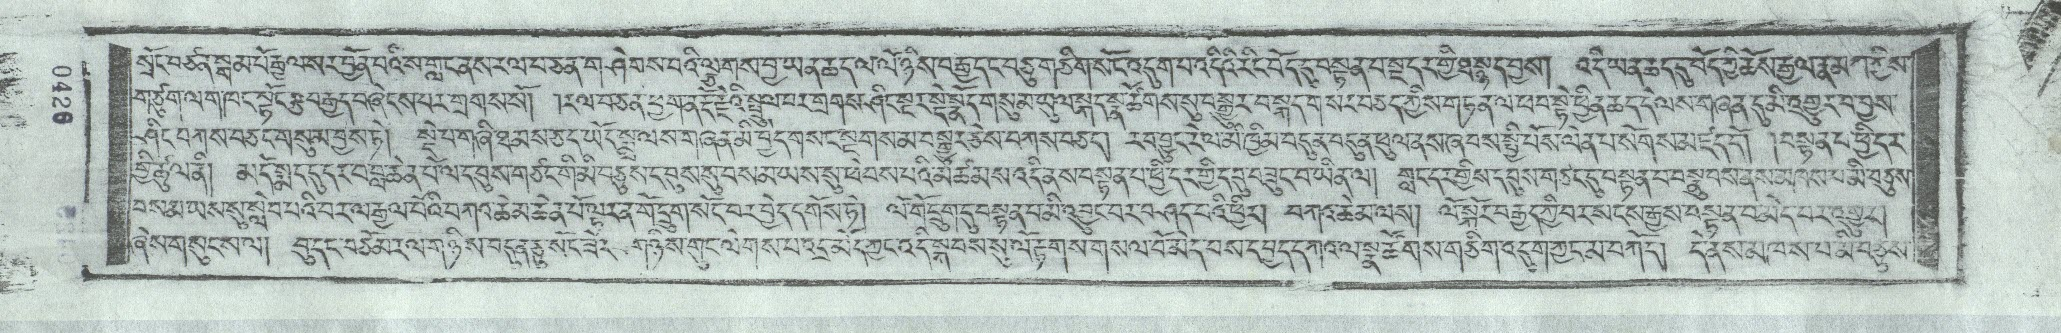སྲོང་བཙན་སྒམ་པོ་རྒྱལ་སར་བྱོན་པའི་ས་གླང་ནས་རལ་པ་ཅན་གཤེགས་པའི་ལྕགས་བྱ་ཡན་ཆང་ལ་ལོ་ཉིས་བརྒྱ་དང་བཅུ་གཅིག་སོང་འདུག་པ་འདིའི་རིང་བོད་དུ་བསྟན་པ་སྔ་དར་གྱི་ཐ་སྙད་བྱས། འདི་ཡན་ཆད་དུ་བོད་ཀྱི་ཆོས་རྒྱལ་རྣམས་ཀྱིས་
གཙུག་ལག་ཁང་སྟོང་རྩ་བརྒྱད་བཞེངས་པར་གྲགས་སོ། །རལ་བཅན་ཕྱག་ན་རྡོ་རྗེའི་སྤྲུལ་པར་གྲགས་ཤིང་སྔར་སྡེ་སྣོད་གསུམ་ཡུལ་སྐད་སྣ་ཚོགས་སུ་བསྒྱུར་བསྐད་གསར་བཅད་ཀྱིས་གཏན་ལ་ཕབ་སྟེ་ཕྱིན་ཆད་དེ་ལས་གཞན་དུ་མི་འགྱུར་བ་བྱས་
ཤིང་བཀས་བཅང་གསུམ་བྱས་ཏེ། སྡེ་པ་གཞི་ཐམས་ཅད་ཡོང་སྨྲ་ལས་གཞན་མི་བྱེད་གསང་སྔགས་མ་བསྒྱུར་ཅེས་བཀས་བཅད། རབ་བྱུང་རེ་ལ་མི་ཁྱིམ་བདུན་བདུན་ཕུལ་ནས་ཞབས་སྤྱི་པོས་ལེན་པ་སོགས་མཛད་དོ། །བསྟན་པ་ཕྱི་དར་
གྱི་ཚུལ་ནི། མདོ་སྨད་དུ་དར་བ་བླ་ཆེན་པོ་ལ་དབུས་གཙང་གི་མི་བཅུས་དབུས་སུ་བསམ་ཡས་སུ་ཕེབས་པའི་མཚམས་འདི་ནས་བསྟན་པ་ཕྱི་དར་གྱི་དབུ་བཟུང་བ་ཡིན་ལ། གླང་དར་གྱིས་དབུས་གཙང་དུ་བསྟན་པ་བསྣུབས་ནས་མཁས་པ་མི་བཅུས་
བསམ་ཡས་སུ་སླེབ་པའི་བར་ལ་རྒྱལ་པོའི་བཀའ་ཆེམ་ཆེན་པོ་ལྟར་ན་གོ་དྲུག་སོང་བར་བྱེད་དགོས་ཏེ། ལོ་གོ་དྲུག་དུ་བསྟན་པ་མི་འབྱུང་པར་བཤད་པའི་ཕྱིར། བཀའ་ཆེམ་ལས། ལོ་སྐོར་བརྒྱད་ཀྱི་བར་སངས་རྒྱས་བསྟན་བ་མེད་པར་འགྱུར།
ཞེས་གསུངས་ལ། བུ་དང་བཙོམ་རལ་གཉིས་བདུན་ཅུ་སོང་ཟེར་གཉིས་གུང་ལེགས་པ་འདྲ་མོད་ཀྱང་འདི་སྐབས་སུ་ལོ་རྟགས་གསལ་བོ་མེད་བས་དཔྱད་དཀའ་ལ་སྣ་ཚོགས་གཅིག་འདུག་ཀྱང་མ་བཀོད། དེ་ནས་མཁས་པ་མ་བཅུས་